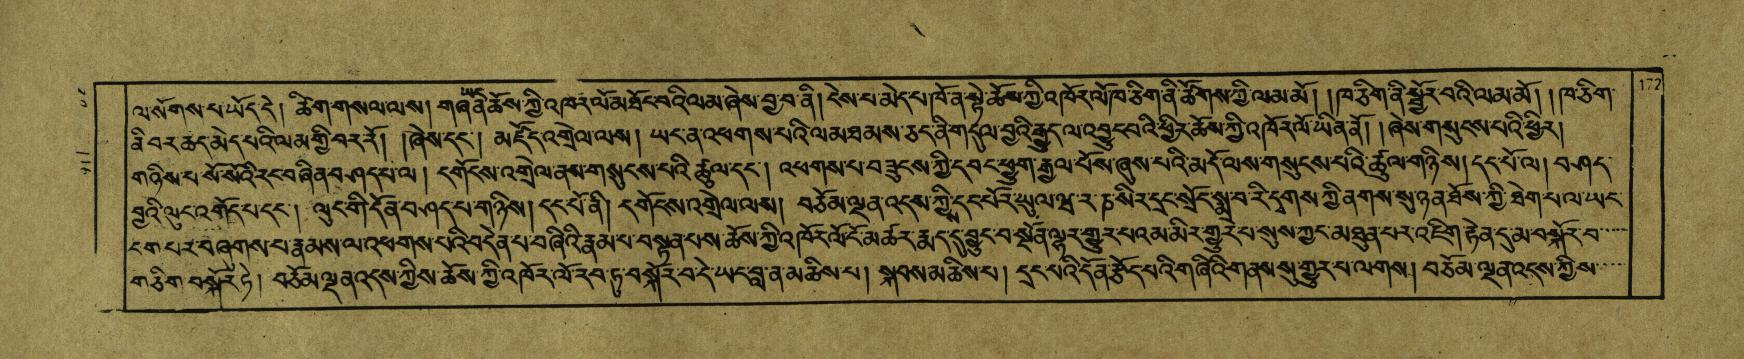ལ་སོགས་པ་ཡོད་དེ། ཚིག་གསལ་ལས། གཞན་ཡང་ཆོས་ཀྱི་འཁོར་ལོ་མཐོང་བའི་ལམ་ཞེས་བྱ་བ་ནི། ངེས་པ་མེད་པ་ཁོ་ན་སྟེ་ཆོས་ཀྱི་འཁོར་ལོ་ཁ་ཅིག་ནི་ཚོགས་ཀྱི་ལམ་མོ། །ཁ་ཅིག་ནི་སྦྱོར་བའི་ལམ་མོ། །ཁ་ཅིག་
ནི་བར་ཆད་མེད་པའི་ལམ་གྱི་བར་རོ། །ཞེས་དང་། མཛོད་འགྲེལ་ལས། ཡང་ན་འཕགས་པའི་ལམ་ཐམས་ཅད་ནི་གདུལ་བྱའི་རྒྱུད་ལ་འབྱུང་པའི་ཕྱིར་ཆོས་ཀྱི་འཁོར་ལོ་ཡིན་ནོ། །ཞེས་གསུངས་པའི་ཕྱིར།
གཉིས་པ་སོ་སོའི་རང་བཞིན་བཤད་པ་ལ། དགོངས་འགྲེལ་ནས་གསུངས་པའི་ཚུལ་དང་། འཕགས་པ་བཟུངས་ཀྱི་དབང་ཕྱུག་རྒྱལ་པོས་ཞུས་པའི་མདོ་ལས་གསུངས་པའི་ཚུལ་གཉིས། དང་པོ་ལ། བཤད་
བྱའི་ལུང་འགོད་པ་དང་། ལུང་གི་དོན་བཤད་པ་གཉིས། དང་པོ་ནི། དགོངས་འགྲེལ་ལས། བཅོམ་ལྡན་འདས་ཀྱིས་དང་པོར་ཡུལ་ཝ་ར་ཎ་སིར་དྲང་སྲོང་སྨྲ་བ་རི་དྭགས་ཀྱི་ནགས་སུ་ཉན་ཐོས་ཀྱི་ཐེག་པ་ལ་ཡང་
དག་པར་བཞུགས་པ་རྣམས་ལ་འཕགས་པའི་བདེན་པ་བཞིའི་རྣམ་པ་བསྟན་པས་ཆོས་ཀྱི་འཁྲོ་ལོ་ངོ་མཚར་རྨད་དུ་བྱུང་བ་སྔོན་ལྷར་གྱུར་པའམ་མིར་གྱུར་པ་སུས་ཀྱང་མཐུན་པར་འཇིག་རྟེན་དུ་མ་བསྐོར་བ་
གཅིག་བསྐོར་ཏེ། བཅོམ་ལྡན་འདས་ཀྱིས་ཆོས་ཀྱི་འཁོར་ལོ་རབ་ཏུ་བསྐོར་བ་དེ་ཡང་བླ་ན་མཆིས་པ། སྐབས་མཆིས་པ། དྲང་པའི་དོན་རྩོད་པའི་གཞིའི་གནས་སུ་གྱུར་པ་ལགས། བཅོམ་ལྡན་འདས་ཀྱིས་